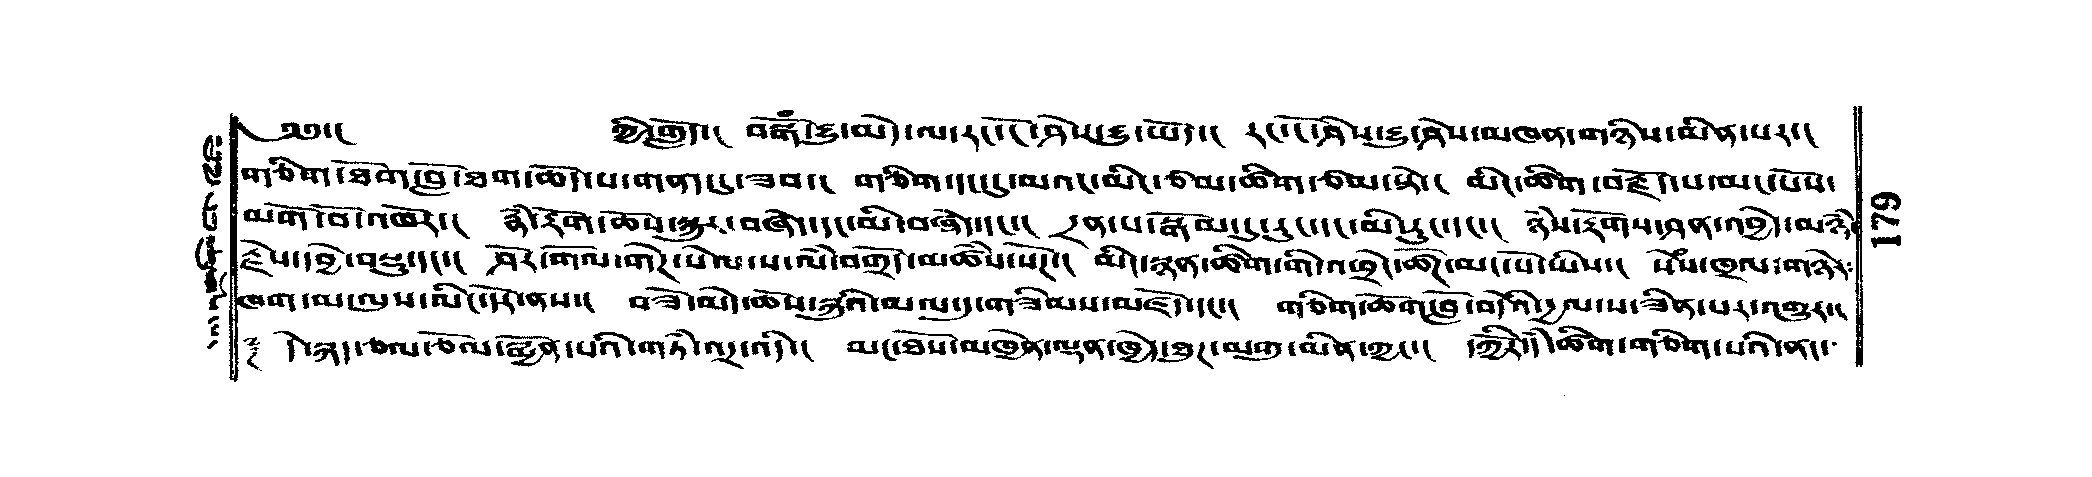ཀྱི་གློད། །བསྒོམ་རྒྱུ་མེད་ལ་རང་ངོ་ཤེས་རྒྱུ་ཡོད། །རང་ངོ་ཤེས་རྒྱུ་ཤེས་མཁན་གཉིས་མིན་པར། །
གཅིག་ཐོག་བློ་ཐག་ཆོད་པ་གནད་དུ་ཟབ། །གཅིག་དང་དུ་མའང་མིང་ཙམ་ཚིག་ཙམ་སྟེ། །མིང་ཚིག་བརྗོད་པ་མང་པོས་
མགོ་བོ་འཁོར། །རྣམ་རྟོག་ཆོས་སྐུར་བཞེད་དང་མི་བཞེད་དང་། །དྲན་པ་སྒོམ་དུ་རུང་དང་མི་རུང་དང་། །ཉམས་རྟོགས་ཤན་འབྱེད་མཉམ་
རྗེས་དབྱེ་བསྡུ་དང་། །ཤོར་གོལ་གེགས་སེལ་ས་ལམ་བགྲོད་མཚམས་སོགས། །མིང་སྙན་ཚིག་གི་འཕྲེང་ཚོགས་མང་པོ་ཡིས། །སེམས་ཁྲལ་གཉེར་
ཁ་མ་ལུས་ལིང་དོར་ནས། །བཟོ་མེད་ཆོས་སྐུའི་མལ་དུ་གཟིགས་མཛོད་དང་། །གཅིག་ཆོག་བློ་བདེའི་རྒྱལ་ས་ཟིན་པར་འགྱུར། 
༈ དེ་སྐད་ཅལ་ཅོལ་སྨྱོན་པའི་གཏམ་འདྲ་འདི། །མང་ཐོས་མཁྱེན་ལྡན་ཁྱེད་ཐུགས་མགུ་མིན་ཀྱང་། །དཀྱིལ་འཁོར་དམ་ཚིག་གཅིག་པའི་ནང་